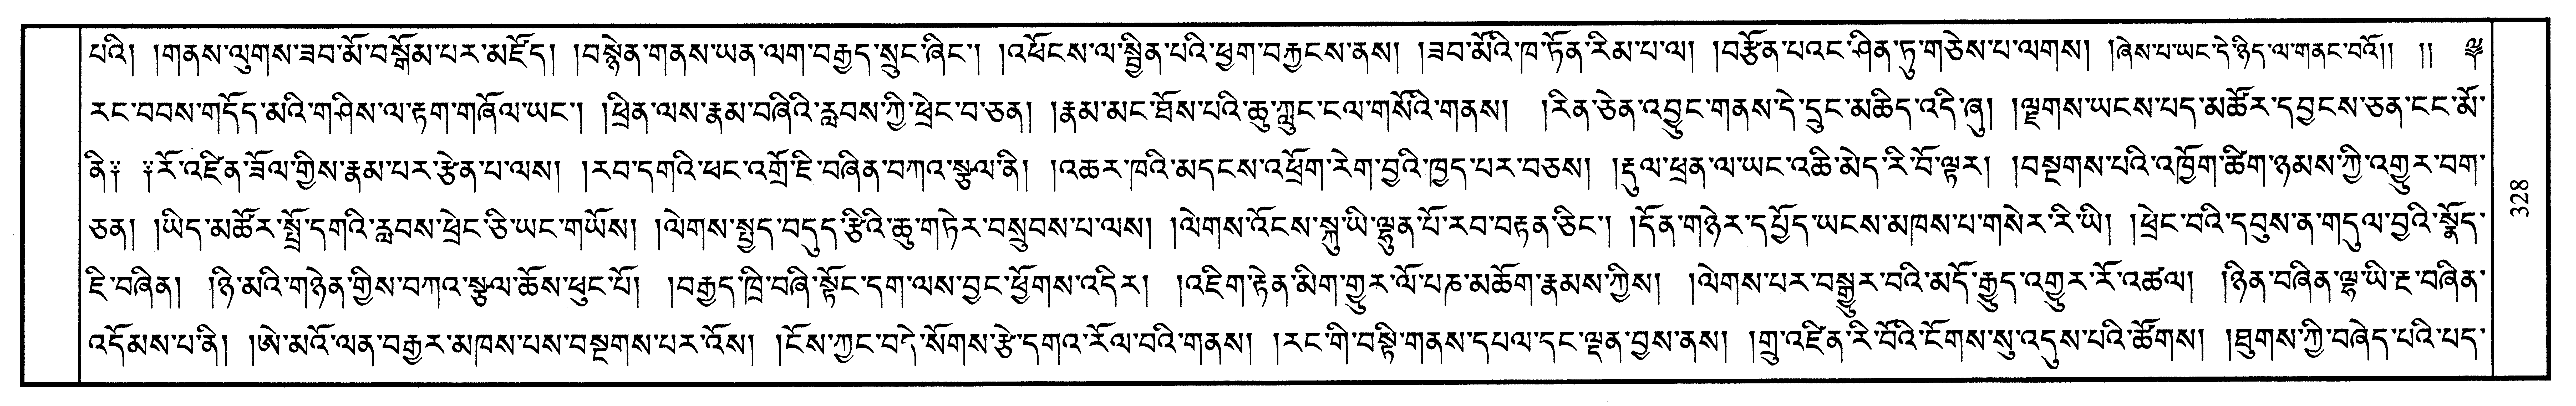པའི། །གནས་ལུགས་ཟབ་མོ་བསྒོམ་པར་མཛོད། །བསྙེན་གནས་ཡན་ལག་བརྒྱད་སྲུང་ཞིང་། །འཕོངས་ལ་སྦྱིན་པའི་ཕྱག་བརྐྱངས་ནས། །ཟབ་མོའི་ཁ་ཏོན་རིམ་པ་ལ། །བརྩོན་པའང་ཤིན་ཏུ་གཅེས་པ་ལགས། །ཞེས་པ་ཡང་དེ་ཉིད་ལ་གནང་བའོ།། །། ༈
རང་བབས་གདོད་མའི་གཤིས་ལ་རྟག་གཞོལ་ཡང་། །ཕྲིན་ལས་རྣམ་བཞིའི་རླབས་ཀྱི་ཕྲེང་བ་ཅན། །རྣམ་མང་ཐོས་པའི་ཆུ་ཀླུང་ངལ་གསོའི་གནས། །རིན་ཅེན་འབྱུང་གནས་དེ་དྲུང་མཆིད་འདི་ཞུ། །ལྗགས་ཡངས་པད་མཚོར་དབྱངས་ཅན་ངང་མོ་
ནི། །རོ་འཛིན་ཟོལ་གྱིས་རྣམ་པར་རྩེན་པ་ལས། །རབ་དགའི་ཕང་འགྲོ་ཇི་བཞིན་བཀའ་སྩལ་ནི། །འཆར་ཁའི་མདངས་འཕྲོག་རེག་བྱའི་ཁྱད་པར་བཅས། །རྡུལ་ཕྲན་ལ་ཡང་འཆི་མེད་རི་བོ་ལྟར། །བསྔགས་པའི་འཁྱོག་ཚིག་ཉམས་ཀྱི་འགྱུར་བག་
ཅན། །ཡིད་མཚོར་སྤྲོ་དགའི་རླབས་ཕྲེང་ཅི་ཡང་གཡོས། །ལེགས་སྤྱད་བདུད་རྩིའི་ཆུ་གཏེར་བསྲུབས་པ་ལས། །ལེགས་འོངས་སྐུ་ཡི་ལྷུན་པོ་རབ་བརྟན་ཅིང་། །དོན་གཉེར་དཔྱོད་ཡངས་མཁས་པ་གསེར་རི་ཡི། །ཕྲེང་བའི་དབུས་ན་གདུལ་བྱའི་སྣོད་
ཇི་བཞིན། །ཉི་མའི་གཉེན་གྱིས་བཀའ་སྩལ་ཆོས་ཕུང་པོ། །བརྒྱད་ཁྲི་བཞི་སྟོང་དག་ལས་བྱང་ཕྱོགས་འདིར། །འཇིག་རྟེན་མིག་གྱུར་ལོ་པཎ་མཆོག་རྣམས་ཀྱིས། །ལེགས་པར་བསྒྱུར་བའི་མདོ་རྒྱུད་འགྱུར་རོ་འཚལ། །ཉིན་བཞིན་ལྷ་ཡི་རྔ་བཞིན་
འདོམས་པ་ནི། །ཨེ་མའོ་ལན་བརྒྱར་མཁས་པས་བསྔགས་པར་འོས། །ངོས་ཀྱང་བདེ་སོགས་རྩེ་དགའ་རོལ་བའི་གནས། །རང་གི་བསྟི་གནས་དཔལ་དང་ལྡན་བྱས་ནས། །གྲུ་འཛིན་རི་བོའི་ངོགས་སུ་འདུས་པའི་ཚོགས། །ཐུགས་ཀྱི་བཞེད་པའི་པད་